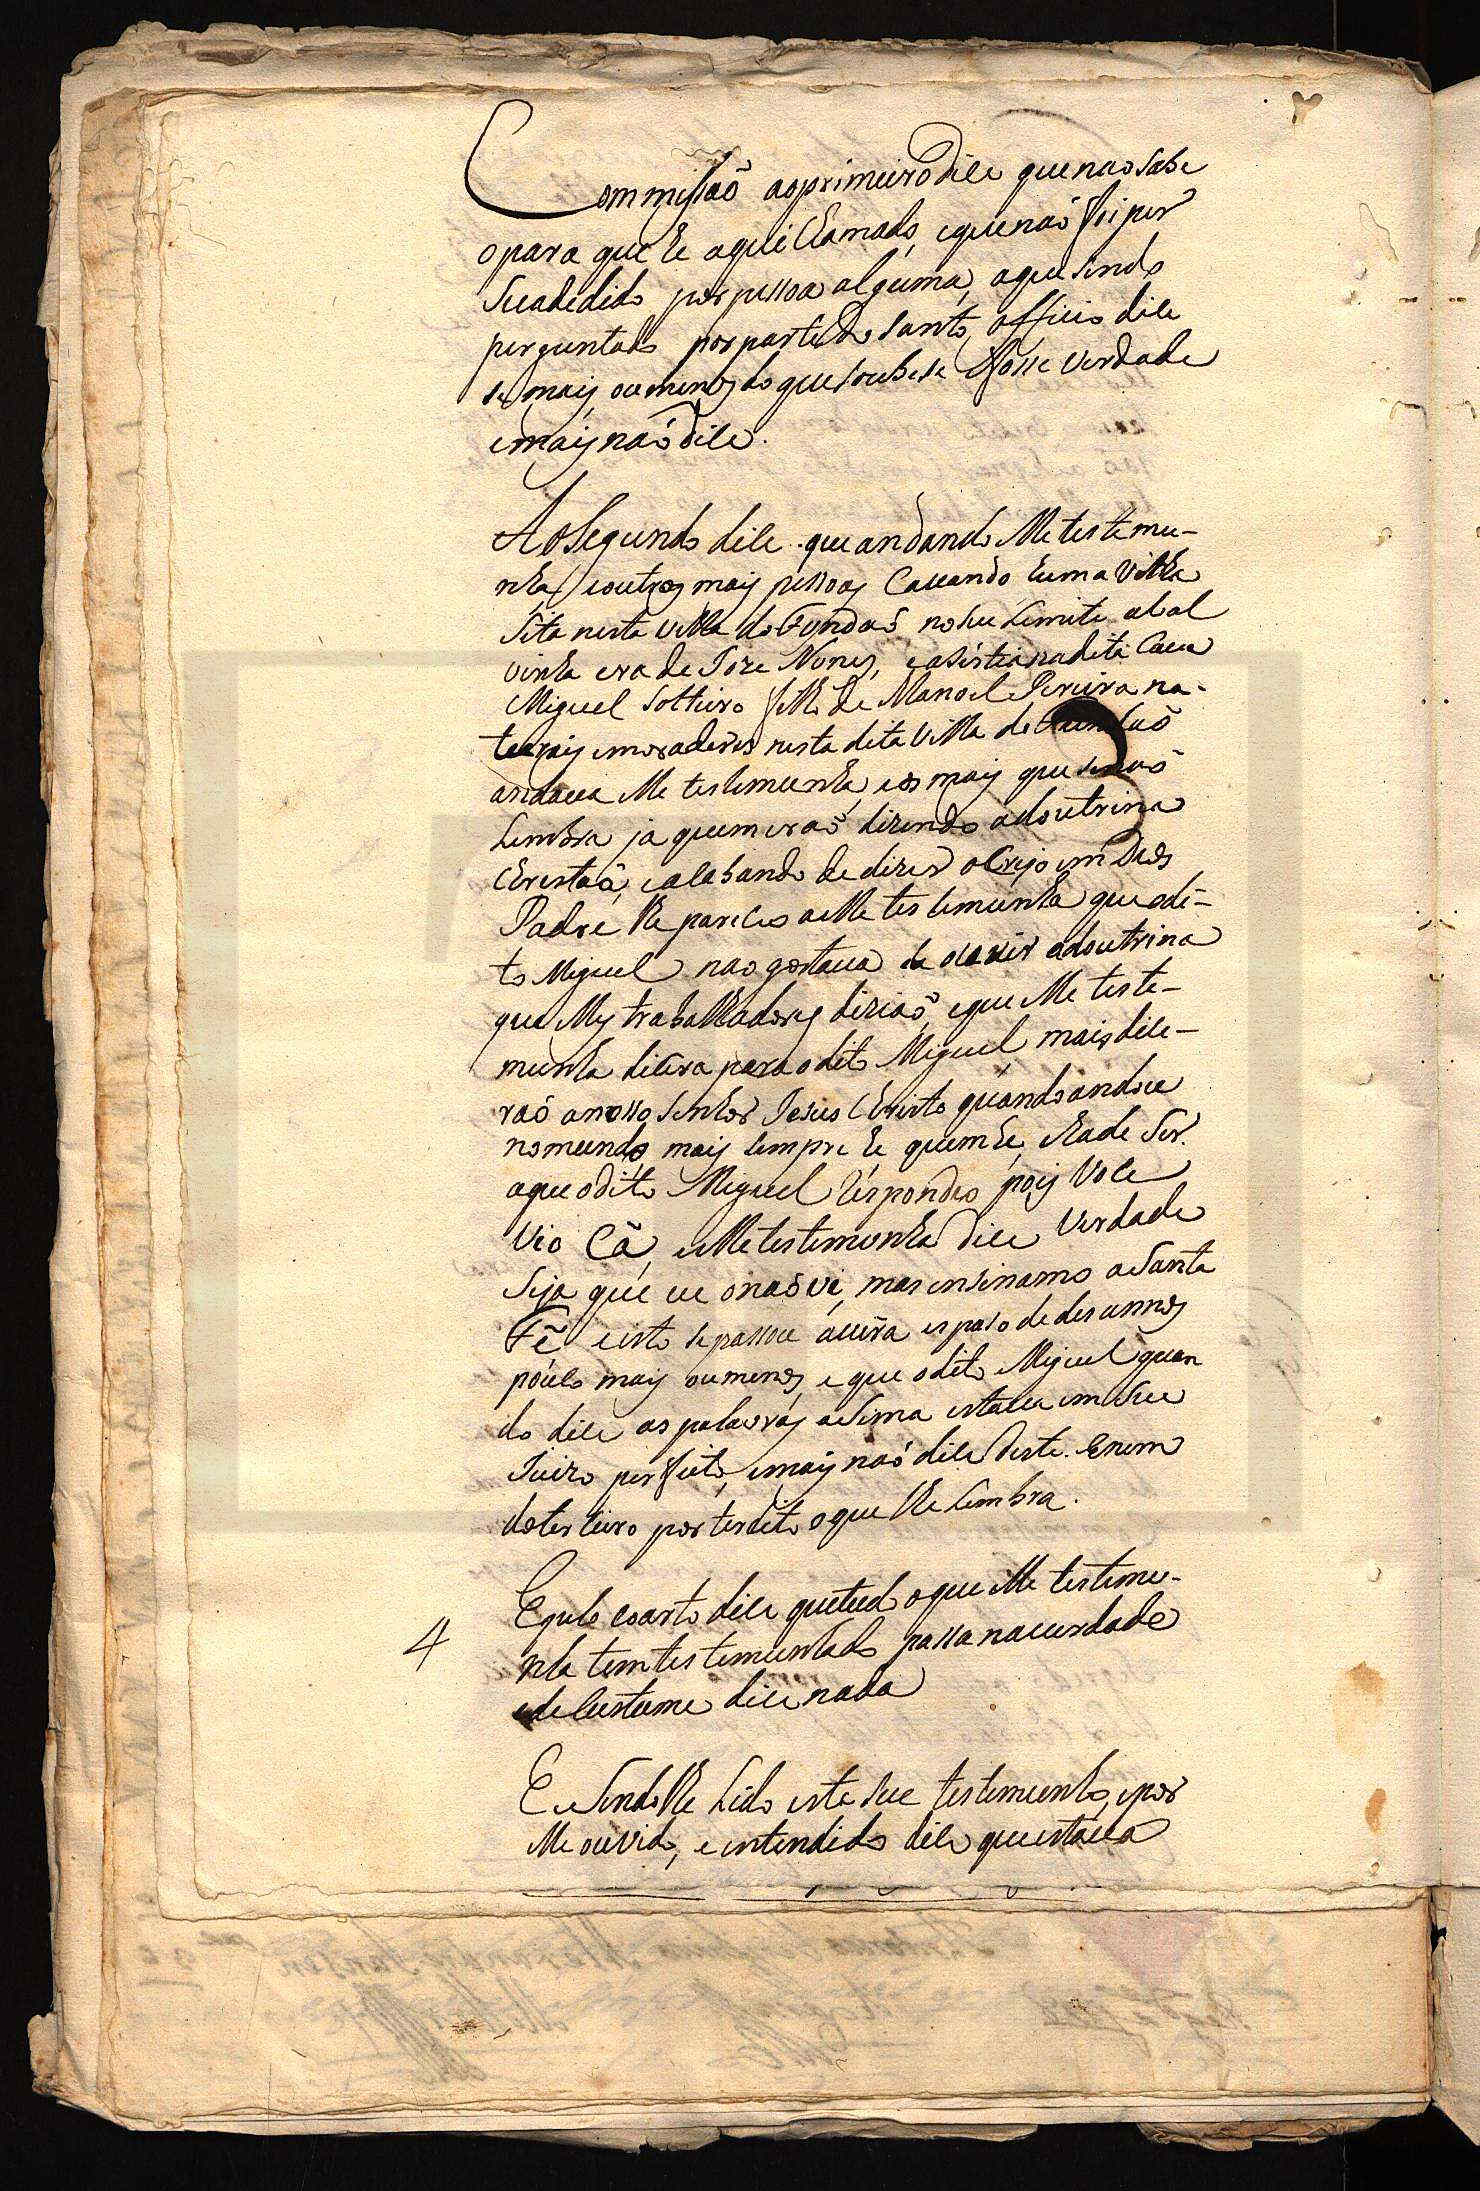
Commissaõ ao primeiro dice que nao sabe
o para que he aqui chamado, e que naõ foi per
suadedido por pessoa alguma, a que sendo
perguntado por parte do santo officio dice
se mais, ou menos do que soubese fosse verdade
e mais naõ dice.
Ao Segundo dice que andando elle testemu
nha e outras mais pessoas cauando huma villa
sita nesta villa do Fundaõ no seu Limite a tal
vinha era de Joze Nunes, e asistia na dita Caua
Miguel solteiro filho de Manoel Pereira na
turais e moradores nesta dita Villa do Fundaõ
andaua elle testemunha, e os mais que se _aõ
Lembra ja quem eraõ dizendo a doutrina
christaã, e acabando de dizer o Crejo em Deos
Padre lhe pareCeo a elle testemunha que o di
to Miguel nao gostaua de ouuir a doutrina
que elles trabalhadores diziaõ, e que elle teste
munha diCera para o dito Miguel, mais dice
raõ a nosso senhor Jesus Christo quando andou
no mundo mais sempre he quem he, e ha de ser.
a que o dito Miguel Réspondeo pois Voce
vio Cà, e elle testemunha dice verdade
seja que ue o naõ ue, mas ensinamo a Santa
Fé, e isto se passou auera espaso de des annos
pouco mais ou menos, e que o dito Miguel quan
do dice as palavras asima estaua em seu
Iuizo perfeito, e mais naõ dice deste. E nem
do terCeiro por ter dito o que lhe Lembra.
4
E pelo coarto dice que tudo o que elle testemu
nha tem testemunhado passa na uerdade
e de Custume dice nada
E sendolhe Lido este seu testemunho, e por
elle ouvido, e entendido dice que estaua
